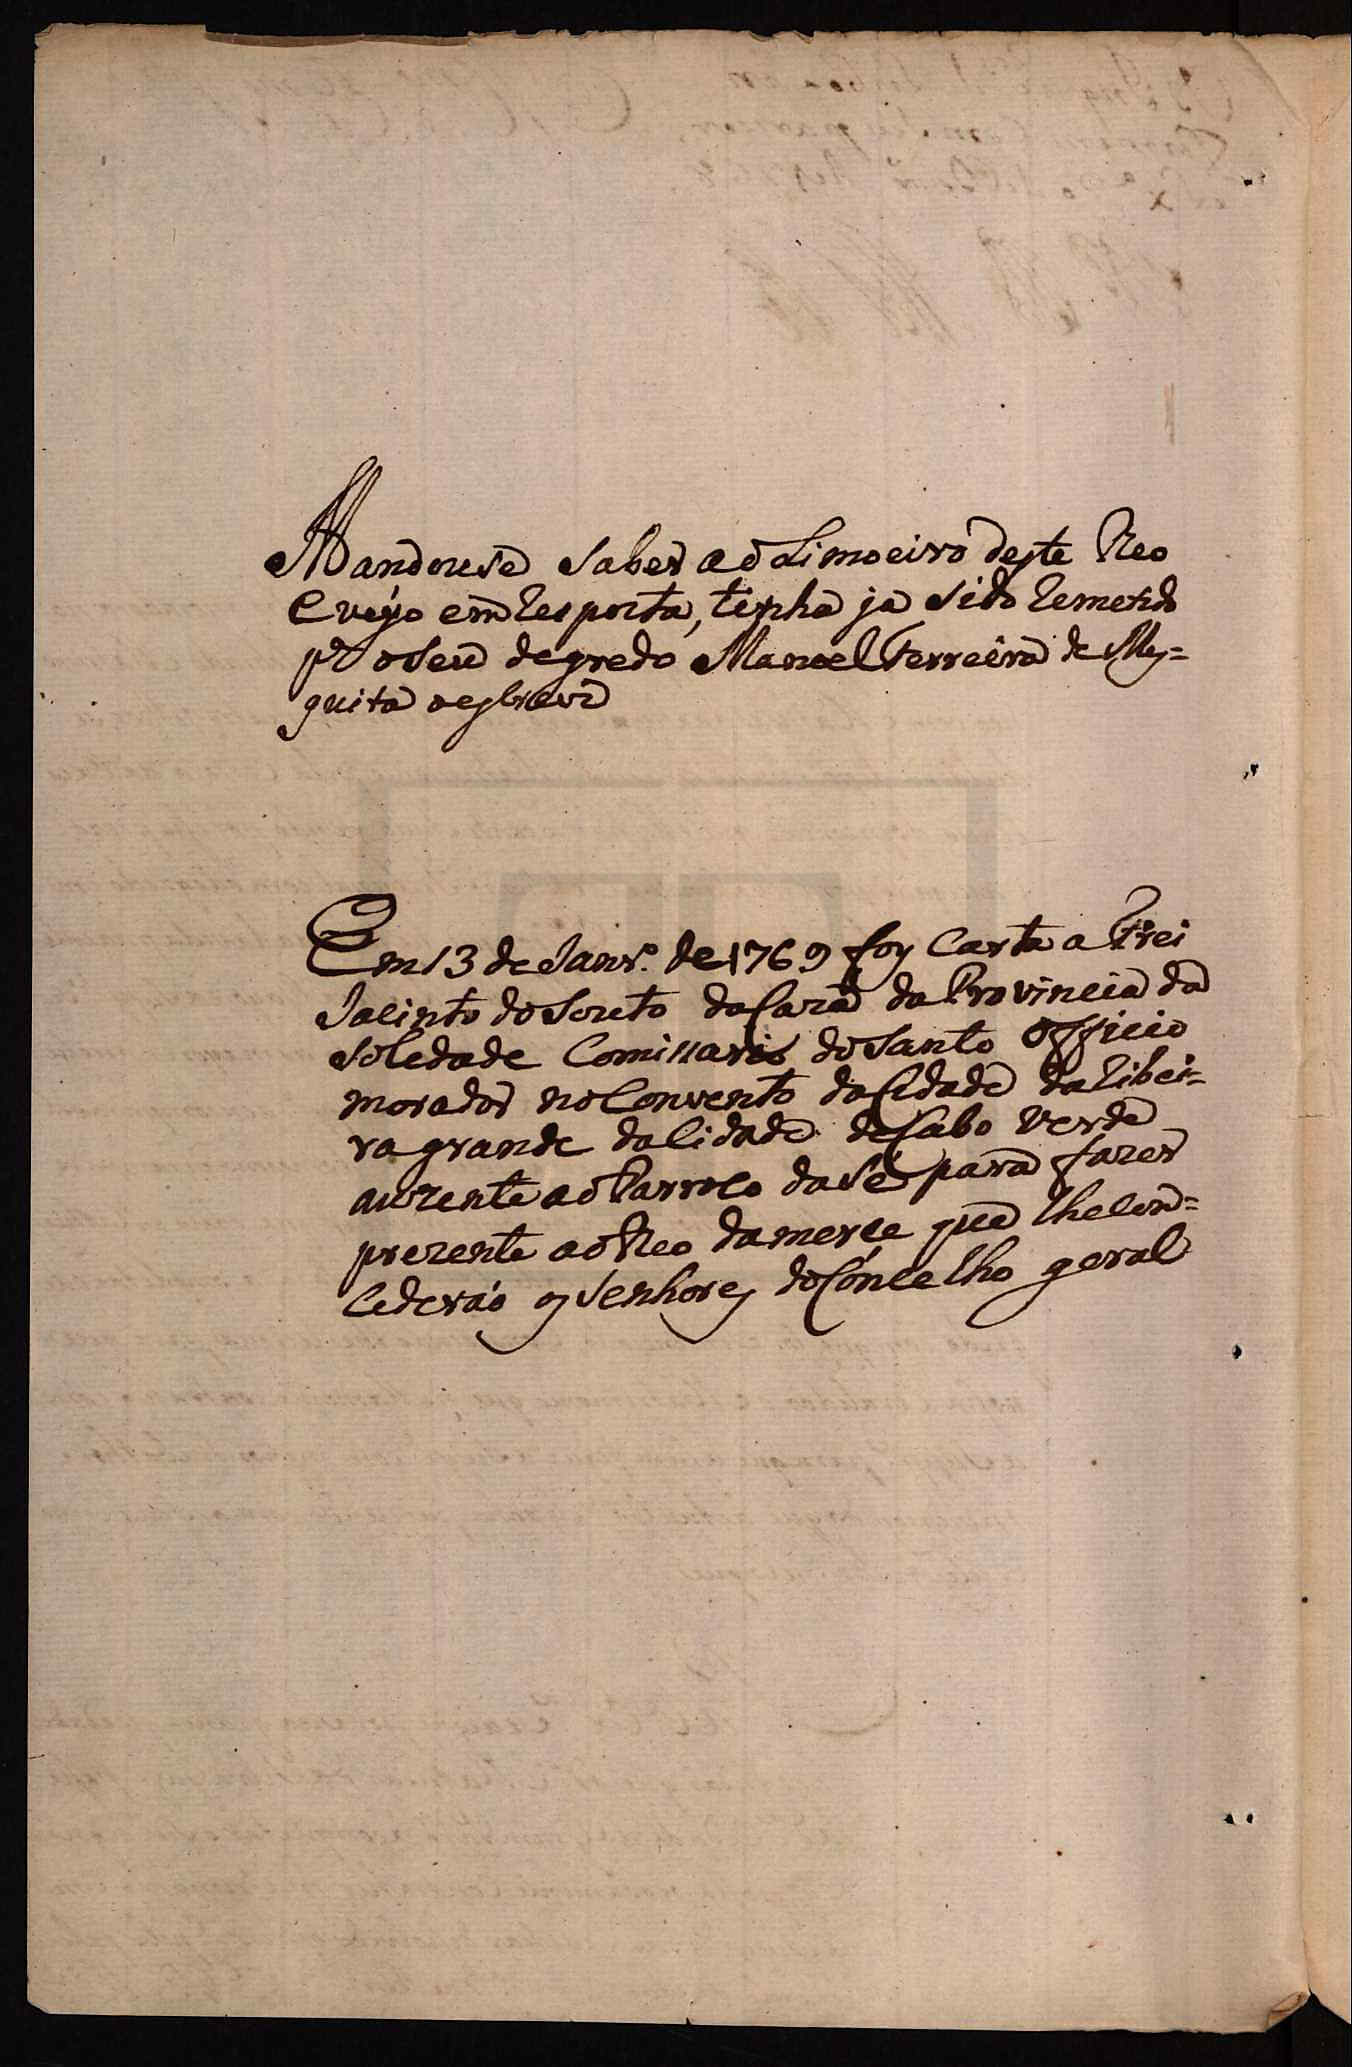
Mandouse saber ao Limoeiro deste Reo
e veyo em respozta, tinha ja sido remetido
p.a o seu degredo Manoel Ferreira de Mes
quita o esCrevi
Em 13 de Ianr.o de 1769 foy carta a Frei
Iacinto do Souto da Caza da Provincia da
soledade comissario do Santo officio
morador no convento da Cidade da ribei
ra grande da cidade de Cabo verde
auzente ao Parroco da Sé para fazer
prezente ao Reo da merce que lhe con
cederaõ os senhores do Concelho geral
